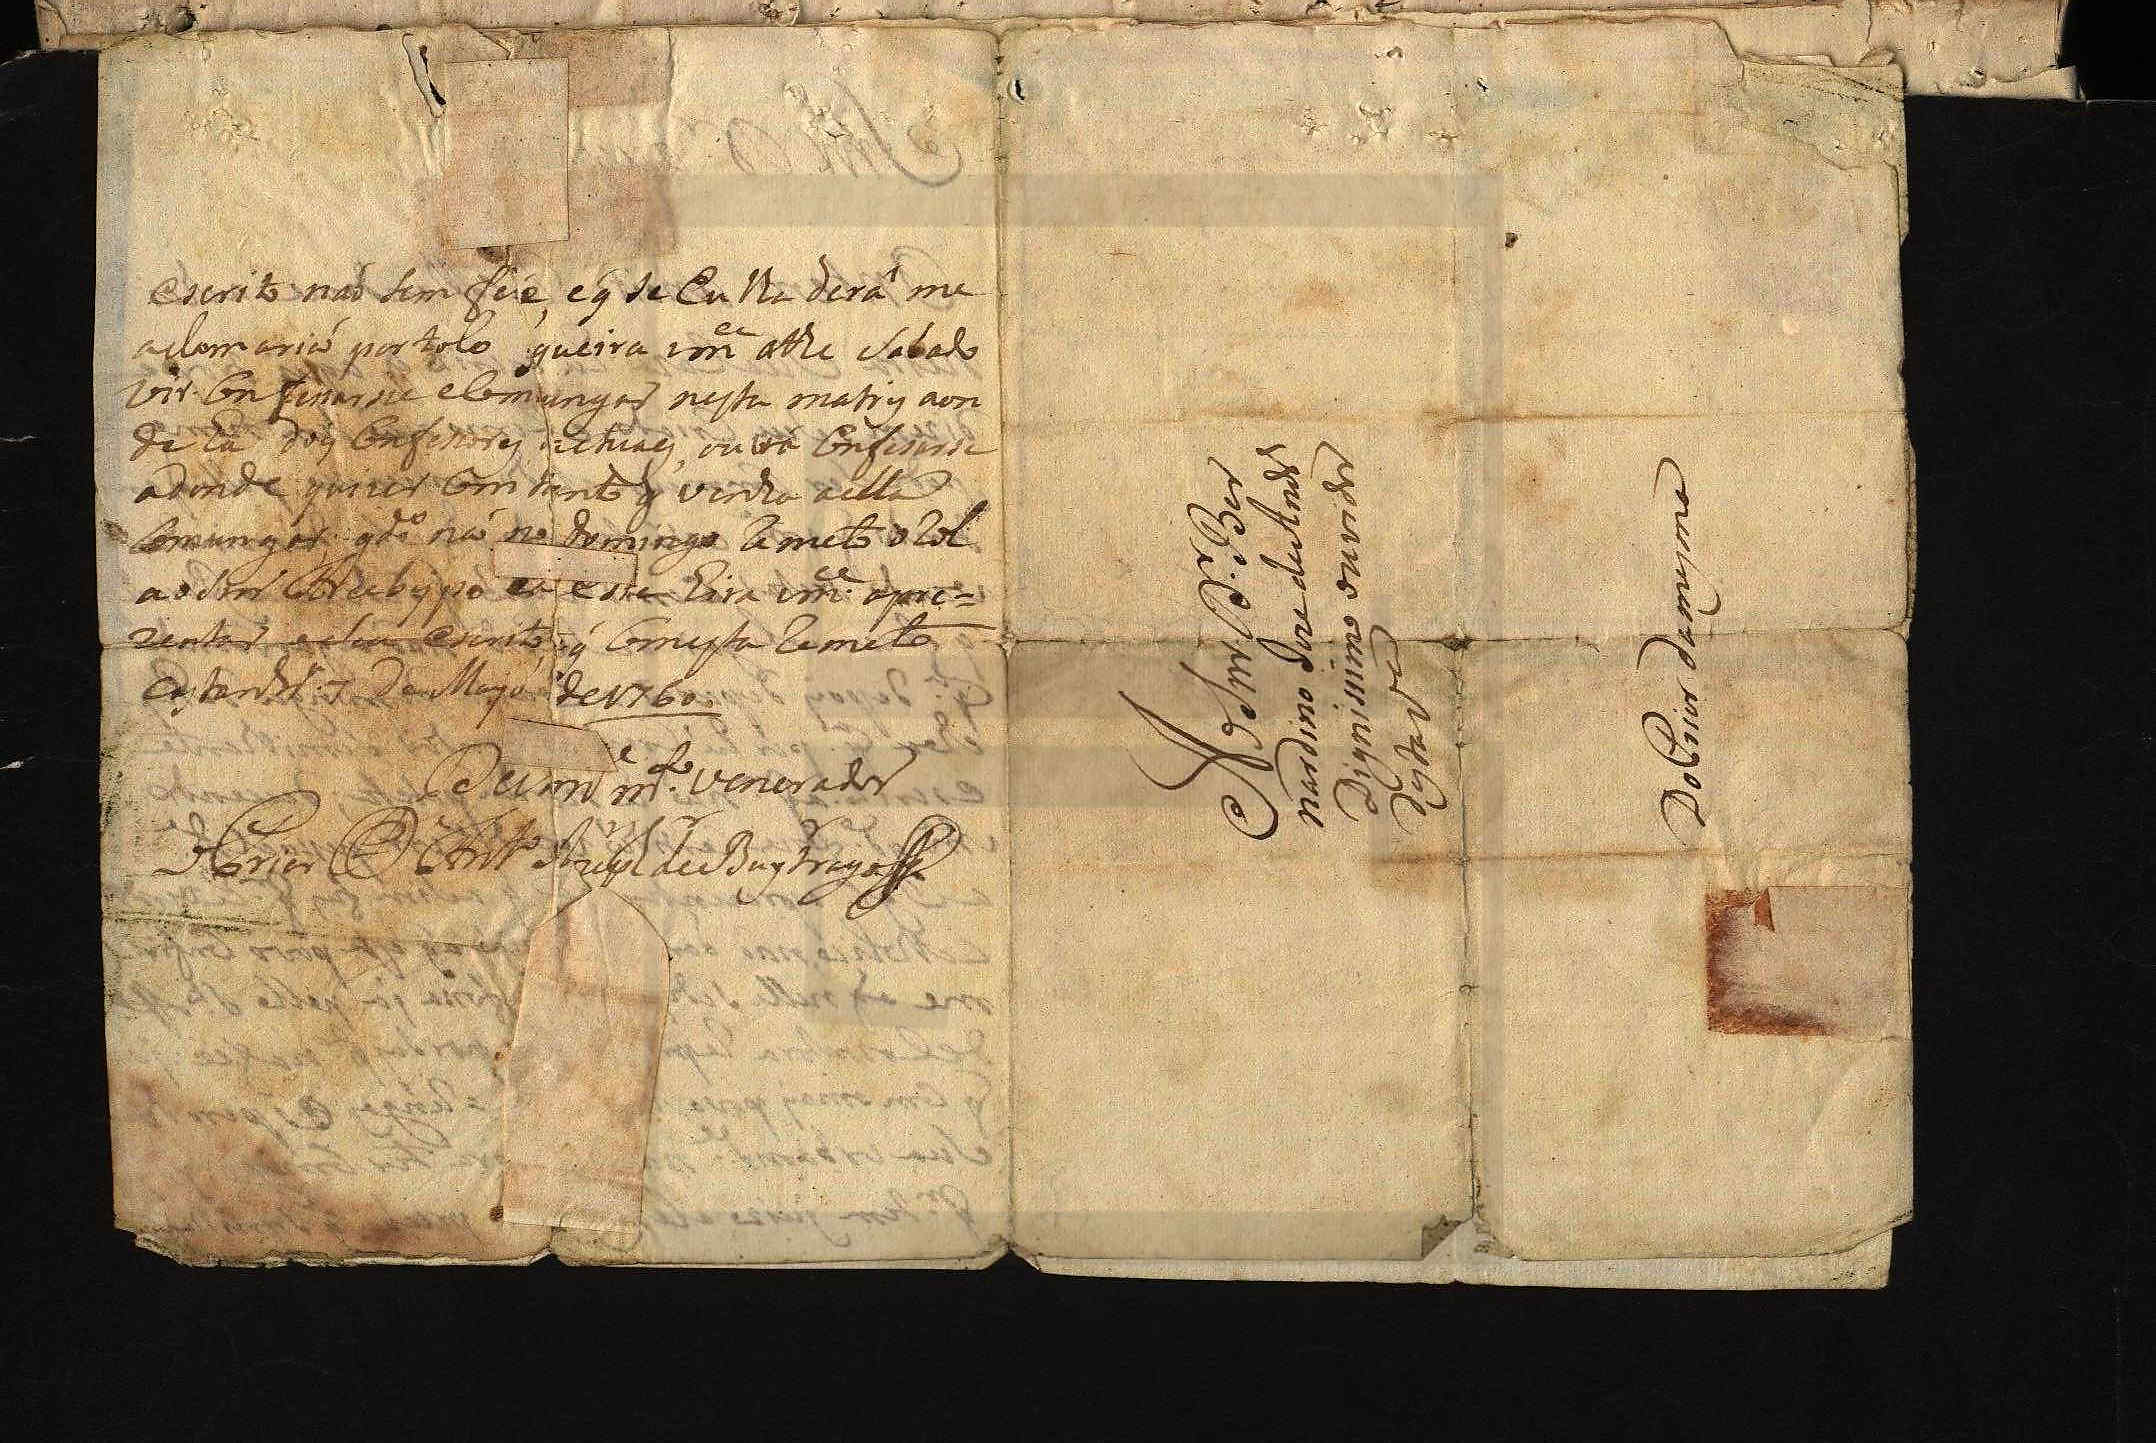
escrito naõ tem feé, e q̄ se Eu lha derâ me
aclamariaõ por tolo queira vmce athe Sabado
vir Confessarsse e Comungar nesta matris aon
de ha dois Confessores actuaes, ou vá confesarse
adonde quizer comtanto q̄ venha a ella
Comungar; qdo naõ no Domingo Remeto o Rol
ao Snr Arcebispo e a este hira vm.ce apre
zentar o seu escrito, q̄ Com esta Remeto
Castanhr.o 7 de Mayo de 1760
De vme m.to venerador
o Prior Pe Ant.o Iozeph de Buytrago
Ao snr. D.r Ber
nardino Ioze de Andr
Dignissimo ouvidor
desta Va
Do Prior da mesma
